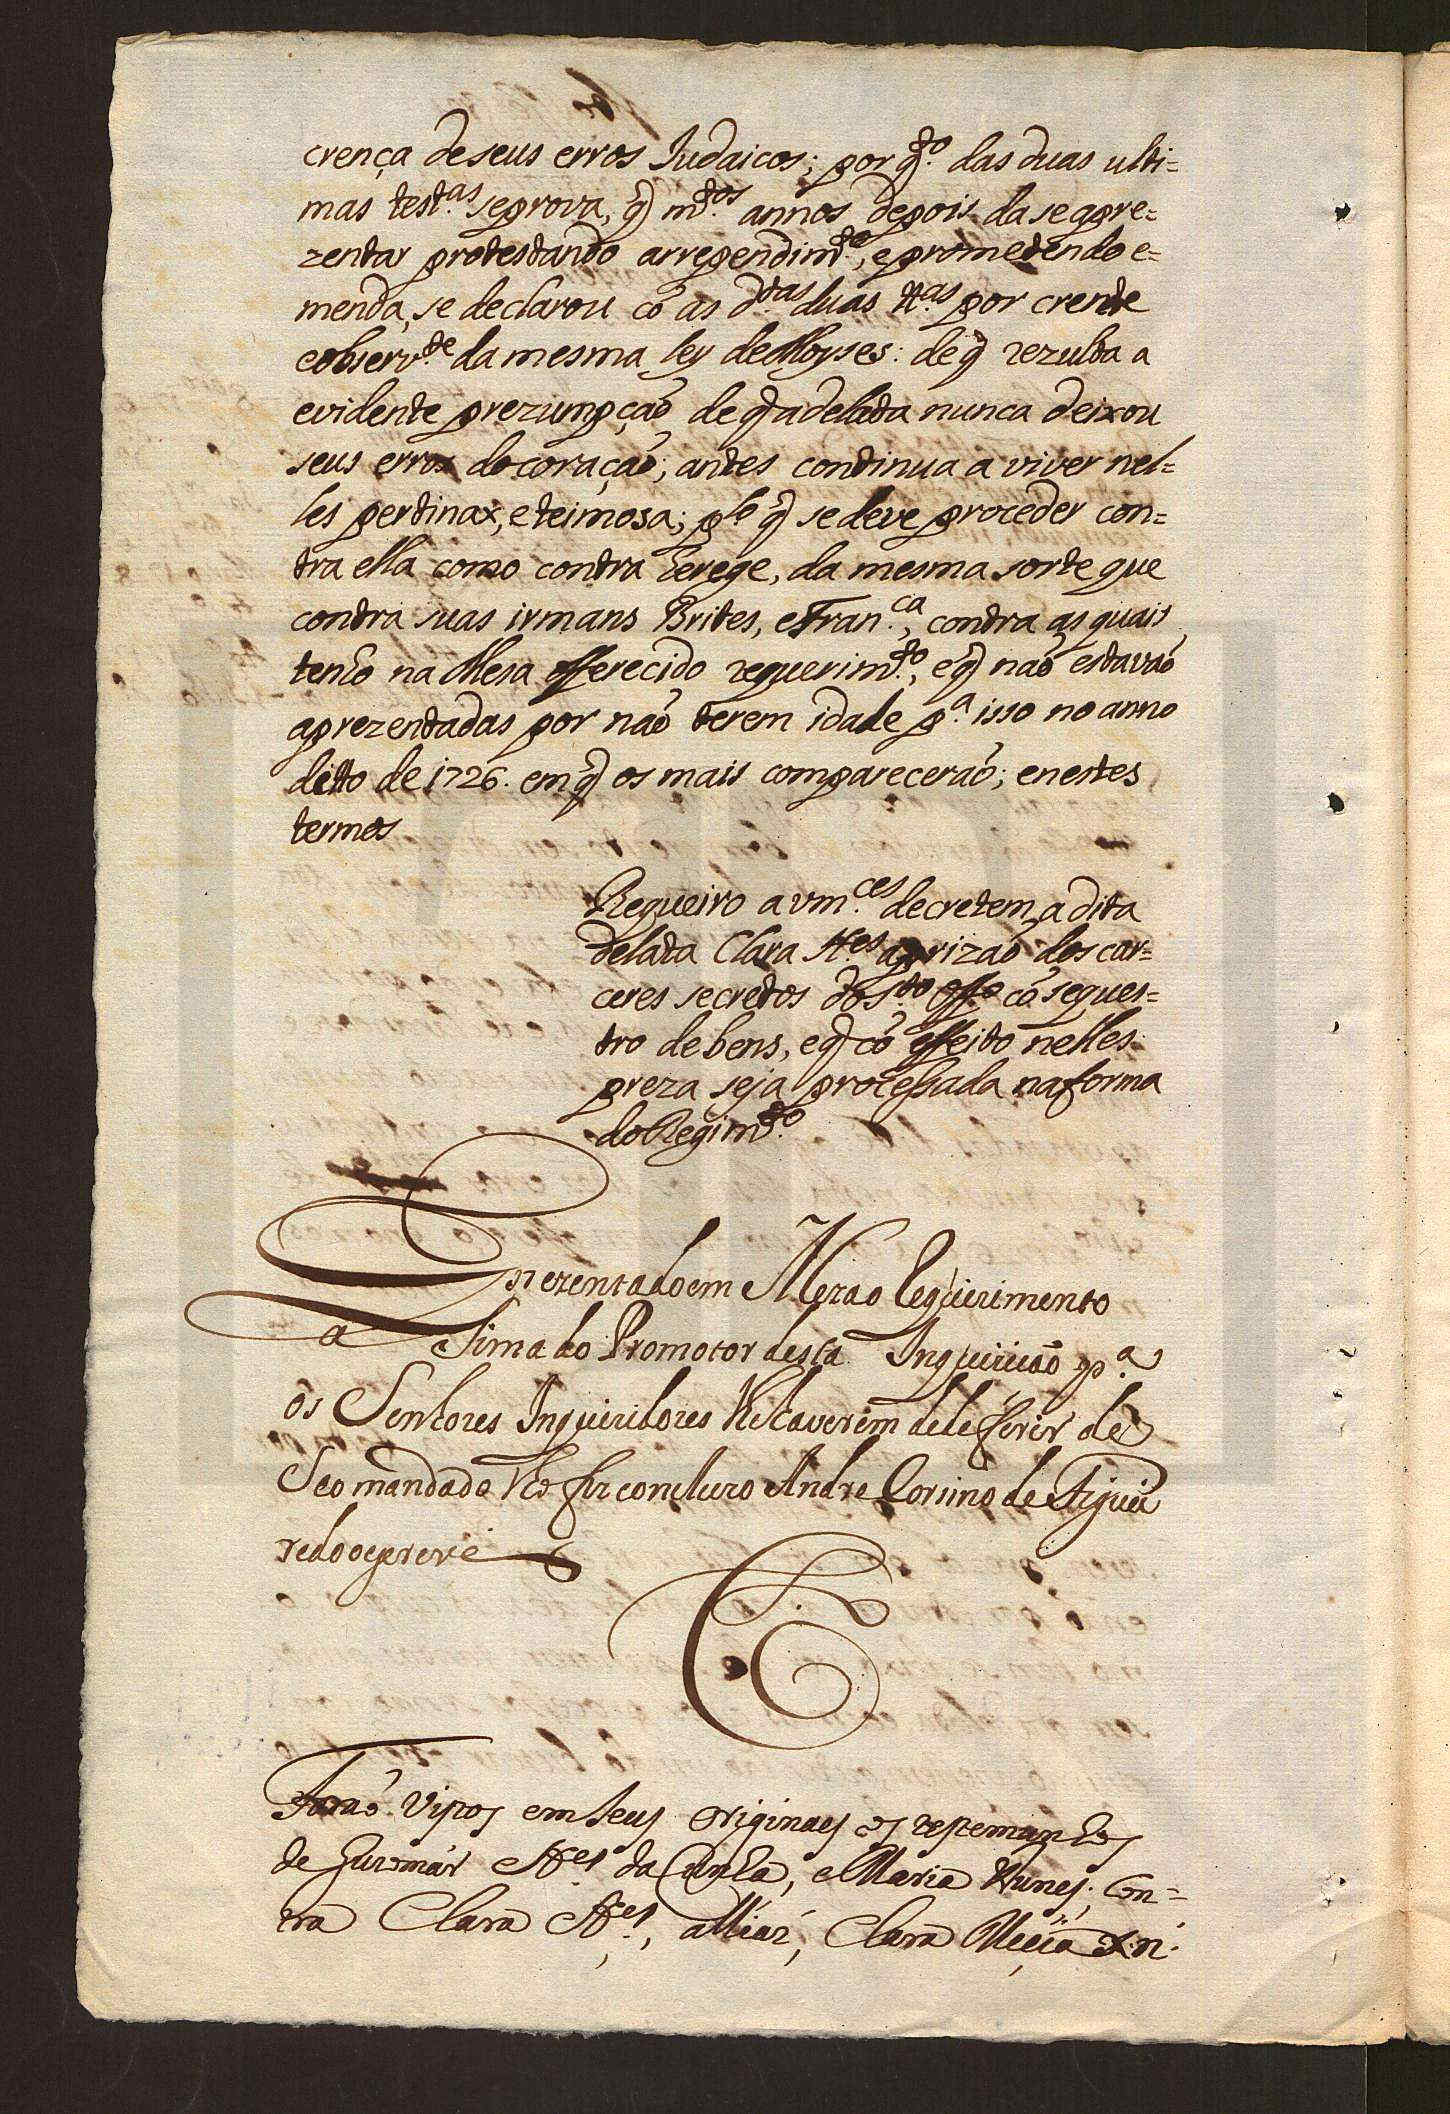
crença de seus erros Iudaicos; porq.to das duas ulti
mas test.as se prova, q̄ m.tos annos depois da se apre
zentar protestando arrependim.to, e prometendo e
menda, se declarou cō as d.tas duas tt.as por crente
e observ.te da mesma ley de Moyses: de q̄ Rezulta a
evidente prezumpçaõ de q̄ a delata nunca deixou
seus erros do coraçaõ; antes continua a viver nel
les pertinax, e teimosa; p.lo q̄ se deve proceder con
tra ella como contra herege, da mesma sorte que
contra suas irmans Brites, e Fran.ca, contra as quais
tenho na Mesa offerecido requerim.to, e q̄ naõ estavaõ
aprezentadas por naõ terem idade p.a isso no anno
ditto de i726. em q̄ os mais compareçeraõ; e nestes
termos
Requeiro a v m.ces decretem a dita
delata Clara H.es a prizaõ dos car
ceres secretos do s.to Off.o cō seques
tro de bens, e q̄ cō effeito nelles
preza seja processada na forma
do Regimto.
E prezentado em Meza o Requirimento
aSima do Promotor desta Inquiziçaõ p.a
os Senhores Inquizidores lhe haverem de deferir de
Seo mandado lho fiz concluzo Andre Corsino de Figuei
redo o escreve
Foraõ vistos em Seus originaes os testemunhos
de Guiomár H.es da Cunha, e Maria Nunes; Con
tra Clara H.es, alliaz, Clara Meçia x. n.
